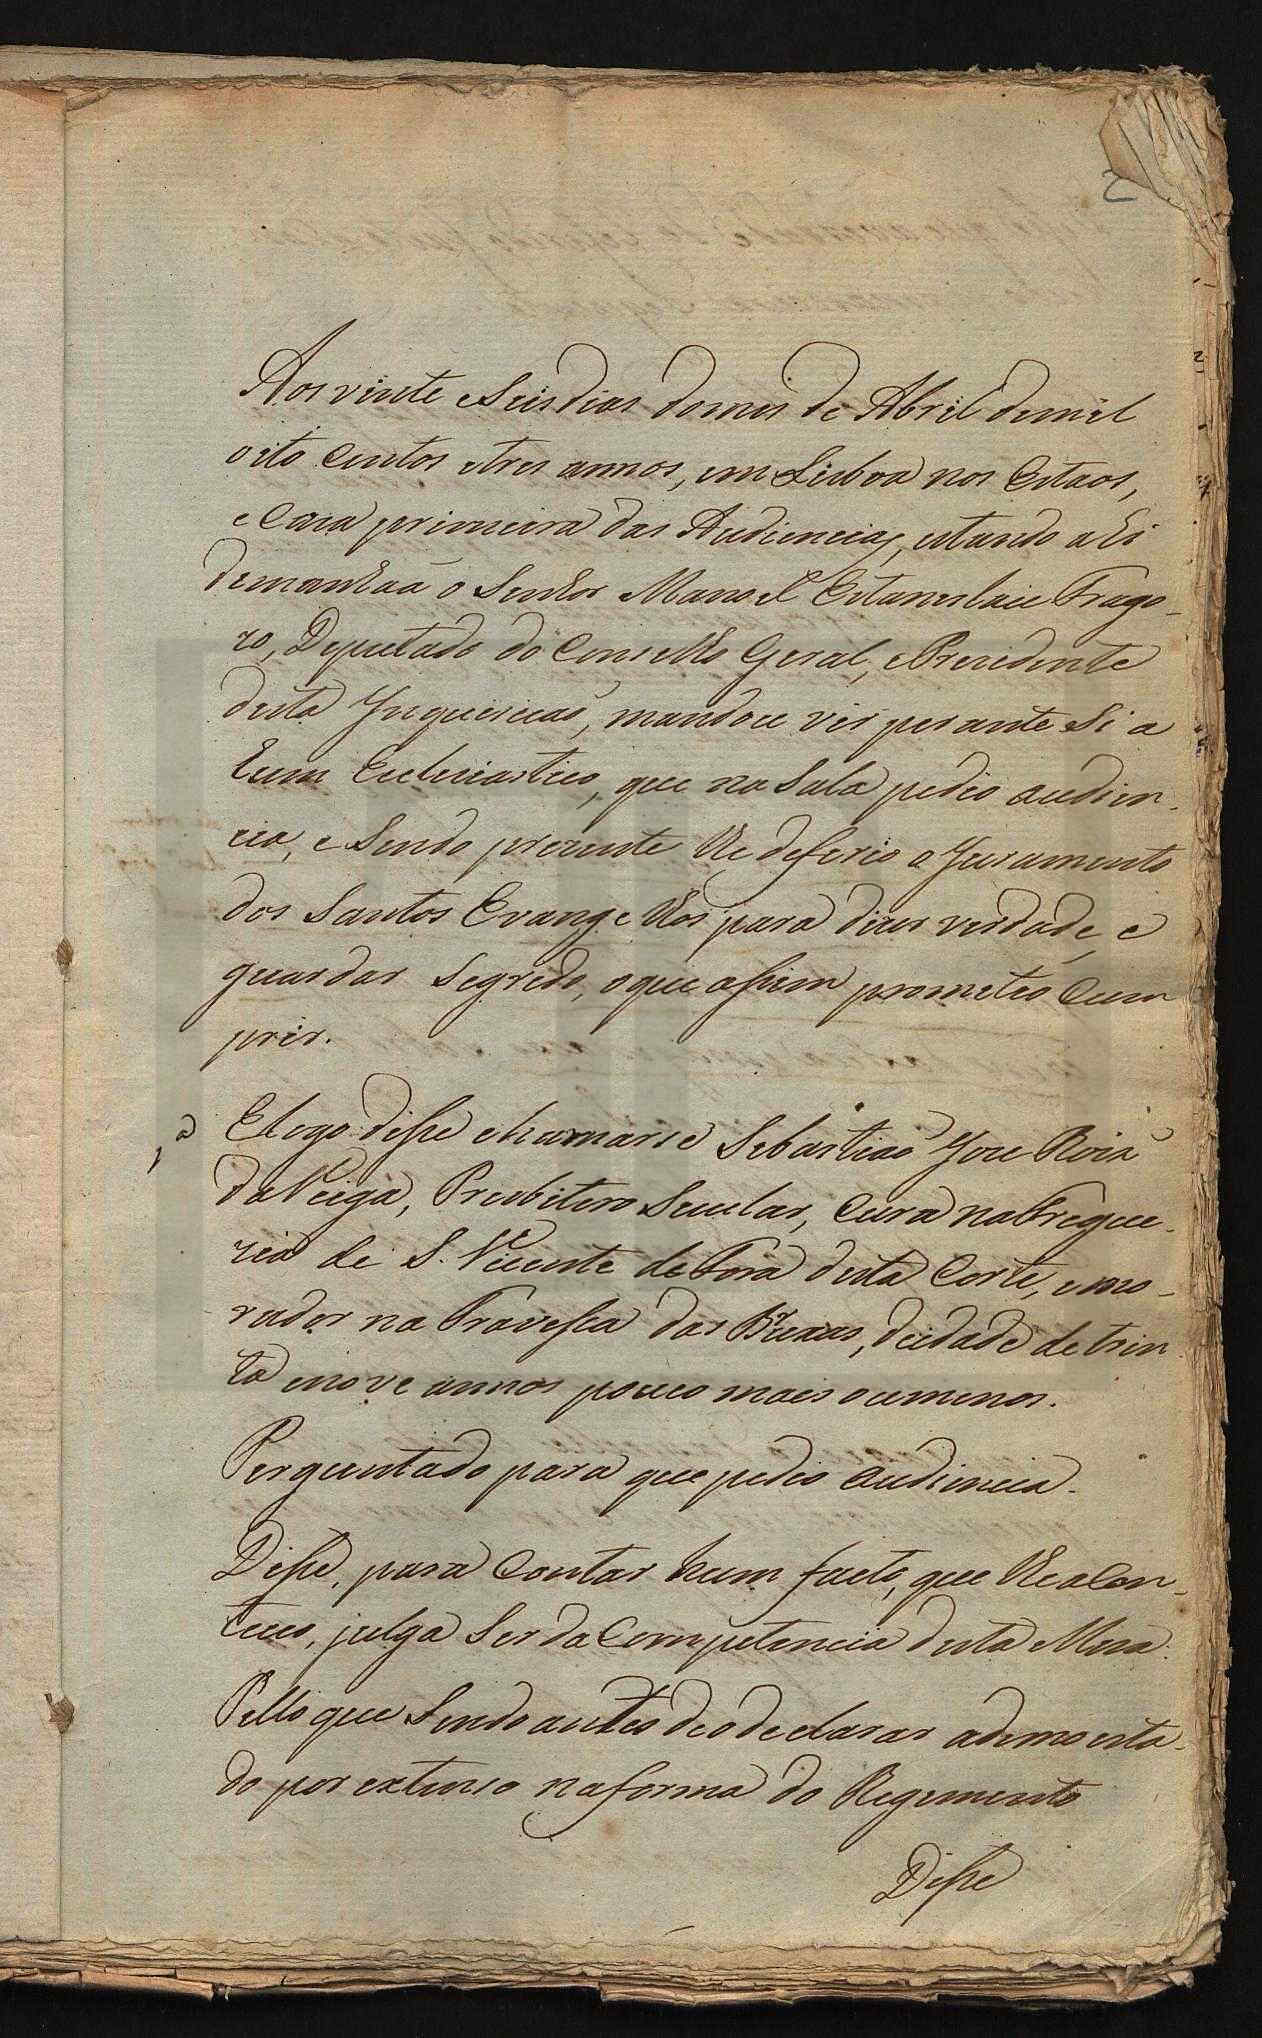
Aos vinte e Seis dias do mes de Abril de mil
oitocentos e tres annos, em Lisboa nos Estaos,
e casa primeira das Audiencias, estando ahi
de manhaã o Senhor Manoel Estanislau Frago
zo, Deputado do conselho Geral, e Prezidente
desta Jnquisicaõ, mandou vir perante Si a
hum Ecclesiastico, que na Sala pedio audien
cia, e Sendo prezente lhe deferio o Juramento
dos Santos Evangelhos para dizer verdade, e
guardar Segredo, o que assim prometeo cum
prir.
E logo disse chamarse Sebastiaõ Joze Roiz̄
da Veiga, Presbitero Secular, cura na Fregue
zia de S. Vicente de Fora desta corte, e mo
rador na Travessa das Bruxas, de idade de trin
ta e nove annos pouco mais ou menos.
Perguntado para que pedio audiencia.
Disse, para contar hum facto, que lhe acon
teceo, julga Ser da competencia desta Mesa:
Pello que sendo antes de o declarar admoesta
do por extenso na forma do Regimento
Disse
